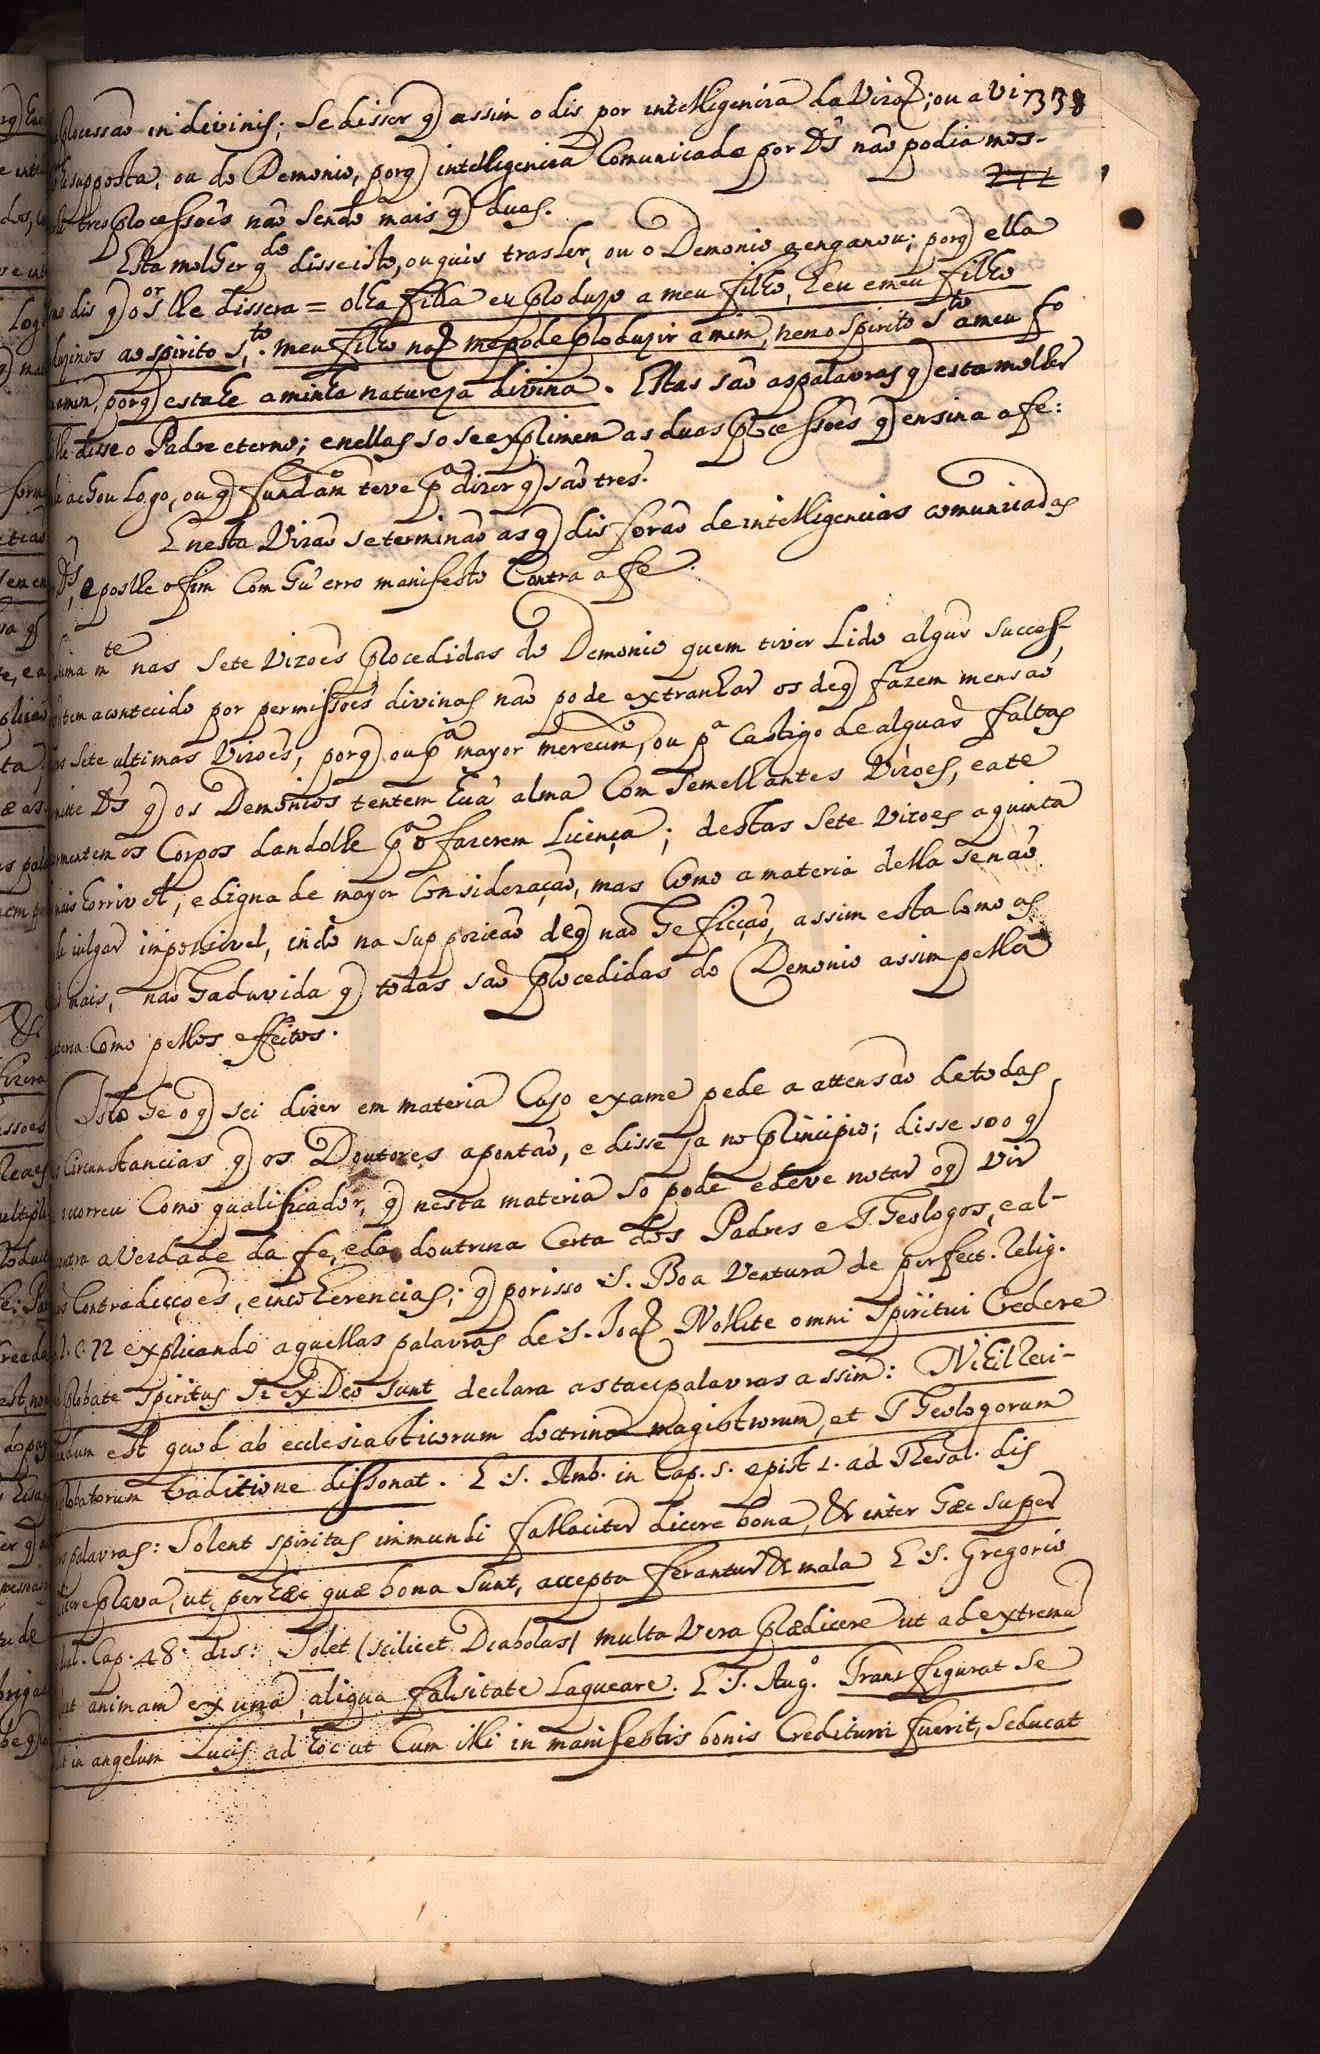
pRocessaõ in divinis; Se disser q̄ assim o dis por intelligencia da Vizaõ, ou a vi
he supposta, ou do Demonio, porq̄ intelligencia Comunicada por Ds̄ naõ podia mos
tres pRocessoẽs não sendo mais q̄ duas.
Esta molher qdo disse isto, ou quis trasler, ou o Demonio a enganou; porq̄ ella
dis q̄ o sor lhe dissera = olha filha eu pRoduzo a meu filho, E eu e meu filho
duzimos ao spirito s.to meu filho naõ me pode pRoduzir a mim, nem o Spirito S.to a meu fo
a mim, porq̄ esta he a minha natureza divina. Estas saõ as palavras q̄ esta molher
lhe disse o Padre eterno; e nellas so se expRimem as duas processoẽs q̄ ensina a fe:
achou logo, ou q̄ fundamto teve p.a dizer q̄ saõ tres?
E nesta Vizaõ se terminaõ as q̄ dis foraõ de intelligencias comunicadas
Ds̄, e poslhe o fim com hū erro manifesto Contra a fe.
mte nas sete vizoẽs procedidas do Demonio quem tiver lido algūs succes
acontecido por permissoẽs divinas não pode extranhar os de q̄ fazem mensaõ
Sete ultimas Vizoẽs, porq̄ ou p.a mayor merecimto, ou p.a castigo de alguās faltas
Ds̄ q̄ os Demonios tentem huā alma Com semelhantes Vizões, e ate
mentem os Corpos dandolhe p.a o fazerem Licença; destas Sete Vizoes a quinta
horrivel, e digna de mayor Consideraçaõ, mas Como a materia della se naõ
iulgar impossivel, indo na suppozição de q̄ naõ he ficçaõ, assim esta como as
mais, naõ ha duvida q̄ todas saõ pRocedidas do Demonio assim pella
Como pellos effeitos.
Isto he o q̄ sei dizer em materia Cujo exame pede a attensaõ de todas
Circunstancias q̄ os Doutores apontaõ, e disse ja no pRincipio, disse soo q̄
morreu Como qualificador, q̄ nesta materia so pode, e deve notar o q̄ vir
a Verdade da fe, e da doutrina Certa dos Padres, e Theologos, e al
Contradicçoẽs, e incoherencias, q̄ por isso S. Boa Ventura de perfecs. Relig.
C. 72 explicando aquellas palavras de S. Ioaõ Nollite omni spiritui Credere
probate spiritus se ex Deo sunt declara as taes palavras assim: Nihil Resi
est quod ab ecclesiasticorum doctrina magistrorum, et Theologorum
Robatorum traditione dissonat. E S. Amb. in Cap. 5. epist 1. ad Thesal. dis
palavras: Solent spiritus immundi fallaciter dicere bona, & inter hæc super
pRava, ut per hæc quæ bona sunt, accepta ferantur & mala E S. Gregorio
Cap. 48. dis: Solet (scilicet Diabolus) multa vera pRædicere ut ad extremū
animam ex una, aliqua falsitate Laqueare. E S. Aug.o Transfigurat se
in angelum Lucis ad hoc ut Cum illi in manifestis bonis Creditum fuerit, Seducat
